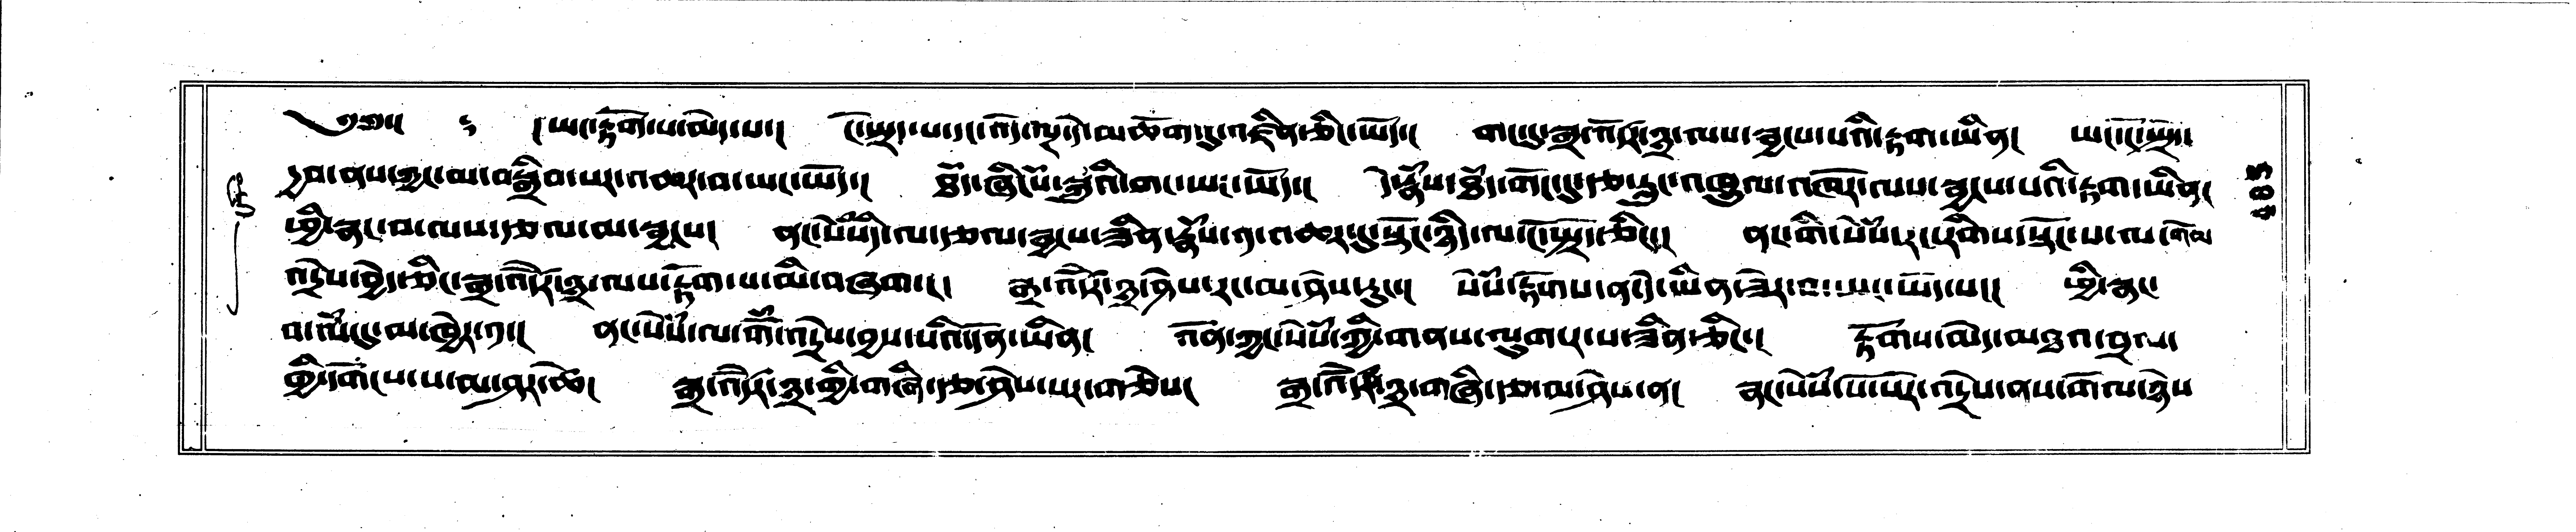ཡང་རྟོག་པ་མེད་པ། ངོས་འཕྲོད་པ་དང་འོད་ལྔ་དེ་མཆོག་དུ་ཞེ་འཛིན་ཅིག་ཡོད་དོ། གོང་དུ་སྒྲ་འོད་ཟེར་གསུམ་ལ་སྦྱངས་པའི་རྟགས་ཡིན་ནོ། ཡང་ངོས་འཕྲོད་
རྒྱབ་ནས་ཀྱང་མ་སྒྲིབ་པར་འཆར་བ་ཡང་ཡོད་དོ། ཐམས་ཅད་ཞིང་ཁམས་སྐུའི་གང་པ་ཡང་ཡོད། དེ་རྣམས་ཐམས་ཅད་གང་དུ་རྩ་རླུང་འཁྲུལ་འཁོར་ལ་སྦྱངས་པའི་རྟགས་ཡིན། 
ཕྱི་སྣང་བ་རྩལ་མ་སྦྱངས། ནང་སེམས་ཉིད་ལ་རྩལ་སྦྱངས་ཟིན་རྣམས། གཅིག་འཆར་དུ་སྟོང་ཉིད་ལ་ངོ་འཕྲོད་ཅིང་། ནང་གིས་སེམས་རང་གི་སྟོང་པ་ལ་གོམ་
འདྲིས་བྱེད་ཅིང་། སྒྲ་འོད་ཟེར་གསུམ་ལ་ལྟོས་པ་མི་བཞག སྒྲ་འོད་ཟེར་གསུམ་ཤེས་རུང་མ་ཤེས་རུང་། སེམས་རྟོགས་ན་དེ་ཡིན་‘‘ཟེར”པ་ཡང་ཡོད་པ། ཕྱི་སྣང་
ལམ་དུ་མ་ཁྱེར་ཅིང་། ནང་སེམས་ལ་གོམ་འདྲིས་བྱས་པའི་དོན་ཡིན། འོན་ཀྱང་སེམས་ཀྱིས་གནས་ལུགས་རང་ས་མ་ཟིན་ན། རྟོགས་མེད་མཐའ་བྲལ་
གྱིས་དགོངས་པ་མི་ཤར། རྟོགས་མེད་མཐའ་བྲལ་གྱིས་དགོངས་པ་མ་ཤར་ཚེ། སྒྲ་འོད་ཟེར་གསུམ་གྱིས་གཞི་རྩ་ཤེས་པར་གཅེས། སྒྲ་འོད་ཟེར་གསུམ་གྱིས་གཞི་རྩ་མ་ཤེས་ན། སྣང་སེམས་སོ་སོར་འཛིན་ན་གོལ་ཉེན་